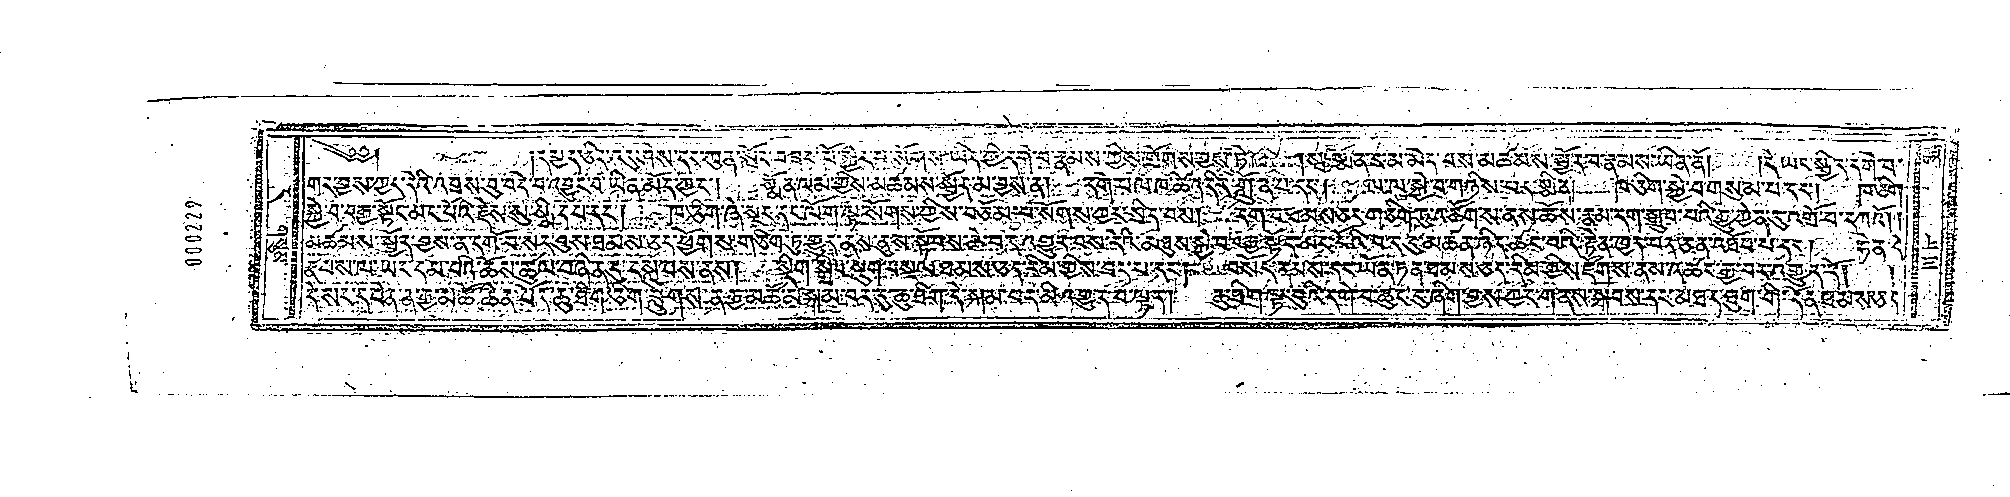༄༅། །དཔྱད་ཅིང་འདུ་ཤེས་དང་ཀུན་སློང་བཟང་པོ་སྐྱེད་པ་སོགས་ཡིད་ཀྱི་དགེ་བ་རྣམས་ཀྱིས་གྲོགས་བྱས་ཏེ། །སྔོ་སྨོན་དྲི་མ་མེད་པས་མཚམས་སྦྱོར་བ་རྣམས་ཡིན་ནོ། །དེ་ཡང་སྤྱིར་དགེ་བ་
གང་བྱས་ཀྱང་དེའི་འབྲས་བུ་བདེ་བ་འབྱུང་བ་ཡིན་མོད་ཀྱང་། སྨོན་ལམ་གྱིས་མཚམས་སྦྱོར་མ་བྱས་ན། དགེ་བ་ལ་ལ་ཚེ་འདིར་གློན་པ་དང་། ལ་ལ་སྐྱེ་བ་གཉིས་པར་སྨིན། ཁ་ཅིག་སྐྱེ་བ་གསུམ་པ་དང་། ཁ་ཅིག་
སྐྱེ་བ་བརྒྱ་སྟོང་མང་པོའི་རྗེས་སུ་སྨིན་པ་དང་། ཁ་ཅིག་ཞེ་སྡང་དང་ལོག་ལྟ་སོགས་ཀྱིས་བཅོམ་པ་སོགས་ཀྱང་སྲིད་བས། དགེ་བ་ཐམས་ཅད་གཅིག་ཏུ་འཚོགས་ནས་ཆོས་རྣམ་དག་སྒྲུབ་པའི་རྒྱུ་རྐྱེན་དུ་འགྲོ་བ་དཀའོ། །
མཚམས་སྦྱོར་བྱས་ན་དགོ་བ་སང་བུས་ཐམས་ཅད་ཕྱོགས་གཅིག་ཏུ་གྱུར་ནས་ནུས་སྟོབས་ཆེ་བར་འགྱུར་བས་རེའི་མཐུས་སྐྱེ་བ་བརྒྱ་སྟོང་མང་པོའི་བར་དུ་མཚན་ཉིད་ཚང་བའི་རྟེན་ཁྱད་པར་ཅན་འཐོབ་པ་དང་། རྟེན་དེ་
རྣམས་ལ་ཡང་དམ་པའི་ཆོས་ཚུལ་བཞིན་དུ་བསྒྲུབས་ནས། སྡིག་སྒྲིབ་སྡུག་བསྔལ་ཐམས་ཅད་རིམ་གྱིས་ཟད་པ་དང་། བསོད་ནམས་དང་ཡོན་ཏན་ཐམས་ཅད་རིམ་གྱིས་རྫོགས་ནས་འཚང་རྒྱ་བར་འགྱུར་རོ། །
དེ་སང་དབེན་ན་རྒྱ་མཚོ་ཆེན་པོར་ཆུ་ཐིག་ཅིག་བླུགས་ན་རྒྱ་མཚོ་མ་སྐམ་བར་དུ་ཆུ་ཐིག་དེ་སྐམ་པར་མི་འགྱུར་བ་ལྟར། ཆུ་ཐིག་ལྟ་བུའི་དགེ་བ་ཆུང་དུ་ཞིག་བྱས་ཀྱང་གནས་སྐབས་དང་མཐར་ཐུག་གི་དོན་ཐམས་ཅད་